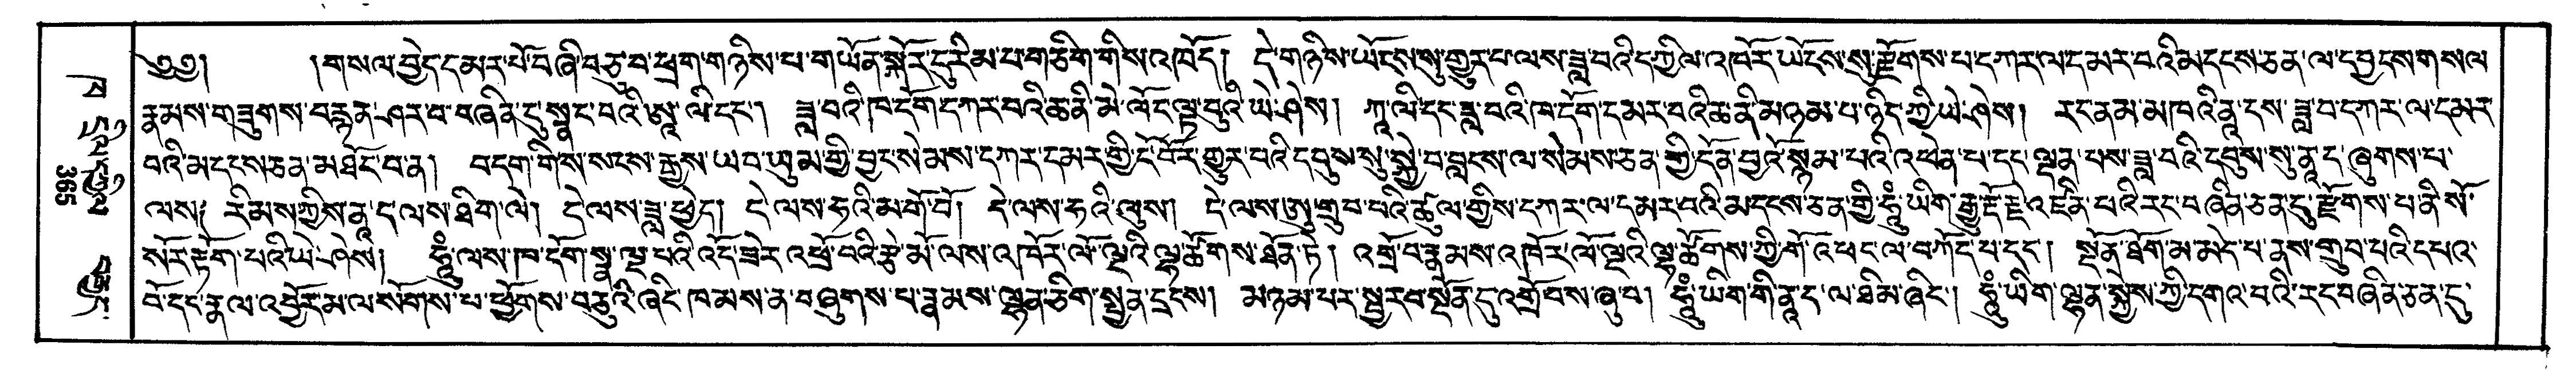༄༅། །གསལ་བྱེད་དམར་པོ་བཞི་བཅུ་པ་ཕྲག་གཉིས་པ་གཡོན་སྐོར་དུ་རིམ་པ་གཅིག་གིས་འཁོད། དེ་གཉིས་ཡོངས་སུ་གྱུར་པ་ལ་ས་ཟླ་བའི་དཀྱིལ་འཁོར་ཡོངས་སུ་རྫོགས་པ་དཀར་ལ་དམར་བཱཨི་མདངས་ཅན་ལ་དབྱངས་གསལ་
རྣམས་གཟུགས་བརྙན་ཤར་བ་བཞིན་དུ་སྣང་བའི་ཨཱ་ལི་དང་། ཟླ་བའི་ཁ་དོག་དཀར་བའི་ཆ་ནི་མེ་ལོང་ལྟ་བུའི་ཡེ་ཤེས། ཀཱ་ལི་དང་ཟླ་བའི་ཁ་དོག་དམར་བའི་ཆ་ནི་མཉམ་པ་ཉིད་ཀྱི་ཡེ་ཤེས། རང་ནམ་མཁའི་ནཱ་དས་ཟླ་བ་དཀར་ལ་དམར་
བའི་མདངས་ཅན་མཐོང་བ་ན། བདག་གིས་སངས་རྒྱས་ཡབ་ཡུམ་གྱི་བྱང་སེམས་དཀར་དམར་གྱི་ངོ་བོར་གྱུར་པའི་དབུས་སུ་སྐྱེ་བ་བླངས་ལ་སེམས་ཅན་གྱི་དོན་བྱའོ་སྙམ་པའི་འཕེན་པ་དང་ལྡན་པས་ཟླ་བའི་དབུས་སུ་ནཱ་ད་ཞུགས་པ་
ལས། རིམས་ཀྱིས་ནཱ་ད་ལས་ཐི་ག་ལེ། དེ་ལས་ཟླ་ཕྱེད། དེ་ལས་ཧའི་མགོ་བོ། དེ་ལས་ཧའི་ལུས། དེ་ལས་ཨུ་གྲུབ་པའི་ཚུལ་གྱིས་དཀར་ལ་དམར་བའི་མདངས་ཅན་གྱི་ཧཱུཾ་ཡིག་རྒྱུ་རྡོ་རྗེ་འཛིན་པའི་རང་བཞིན་ཅན་དུ་རྫོགས་པ་ནི་སོ་
སོར་རྟོག་པའི་ཡེ་ཤེས། ཧཱུཾ་ལས་ཁ་དོག་སྣ་ལྔ་པའི་འོད་ཟེར་འཕྲོ་བའི་རྩེ་མོ་ལས་འཁོར་ལོ་ལྔའི་ལྷ་ཚོགས་ཐོན་ཏེ། འགྲོ་བ་རྣམས་འཁོར་ལོ་ལྔའི་ལྷ་ཚོགས་ཀྱི་གོ་འཕང་ལ་བཀོད་པ་དང་། སྔོན་ཐོག་མ་མེད་པ་ནས་གྲུབ་པའི་དཔའ་
བོ་དང་རྣལ་འབྱོར་མ་ལ་སོགས་པ་ཕྱོགས་བཅུའི་ཞིང་ཁམས་ན་བཞུགས་པ་རྣམས་ལྷན་ཅིག་སྤྱན་དྲངས། མཉམ་པར་སྤྱར་བ་སྔོན་དུ་འགྲོ་བས་ཞུ་བ། ཧཱུཾ་ཡིག་གི་ནཱ་ད་ལ་ཐིམ་ཞིང་། ཧཱུཾ་ཡིག་ལྷན་སྐྱེས་ཀྱི་དགའ་བའི་རང་བཞིན་ཅན་དུ་